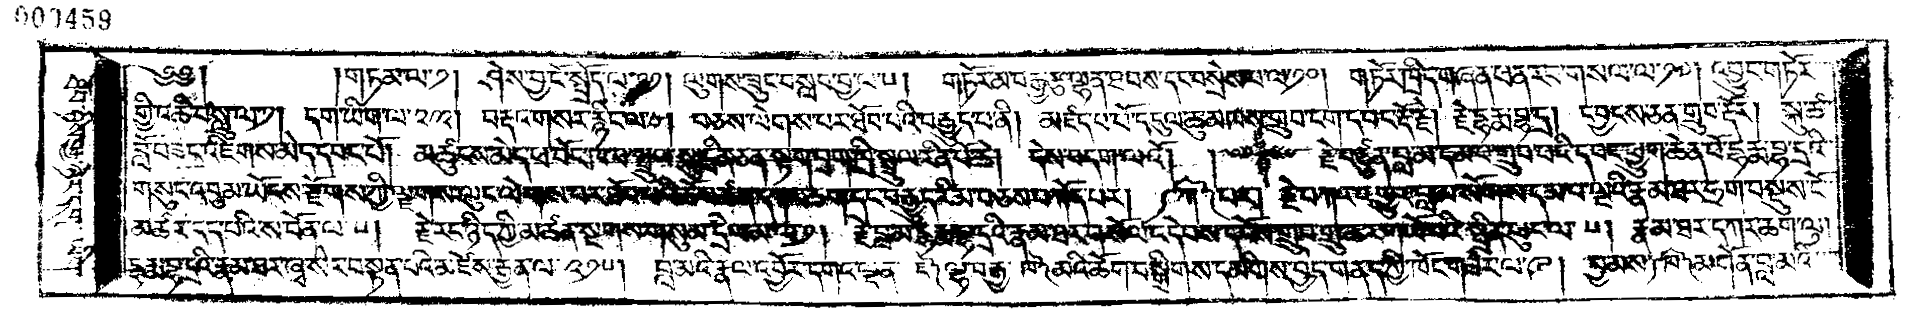༄༅། །གཏམ་ལ ༡། ཤེས་བྱ་ངོ་སྤྲོད་ལ ༡༡། ལུགས་ཟུང་བསླབ་བྱ་ལ ༥། གཏོར་མ་བརྒྱ་རྩ་ལྷན་ཐབས་དང་བསྲེས་པ་ལ ༡༠། གཏོར་ཁྲིད་གཞན་ཕན་རབ་གསལ་ལ ༡༧། འབྱུང་གཏོར་
གྱི་འཆི་བསླུ་ལ ༡། དག་ཡིག་ལ ༢༣། བརྡའ་གསར་རྙིང་ལ ༦། བཅས་ལེགས་པར་ཐོབ་པའི་བརྒྱུད་པ་ནི། མཛད་པ་པོ་དང་དངུལ་ཆུ་མཁས་གྲུབ་ངག་དབང་རྡོ་རྗེ། རྗེ་དྷརྨ་བྷ་དྲ། དབྱངས་ཅན་གྲུབ་རྡོར། སྐུ་ཚ་
བློ་བཟང་འཇིགས་མེད་དབང་པོ། མཚུངས་མེད་ཕ་བོང་ཁ་བ་སྤྲུལ་སྐུ །དྲིན་ཅན་སྟག་བྲག་ཁྲི་སྤྲུལ་རིན་པོ་ཆེ། དེས་བདག་ལའོ། །༈ རྗེ་བཙུན་བླ་མ་དམ་པ་གྲུབ་པའི་དབང་ཕྱུག་ཆེན་པོ་དྷརྨ་བྷ་དྲའི་
གསུང་འབུམ་ཡོངས་རྫོགས་ཀྱི་ལྗགས་ལུང་ལེགས་པར་ཐོབ་པའི་ཆོས་ཚན་དཀར་ཆག་དང་བརྒྱུད་རིམ་བཅས་བཀོད་པར། ༼ཀ༽ པར། རྗེ་བཀའ་འགྱུར་བླ་མ་སོགས་དམ་པ་ལྔའི་རྣམ་ཐར་ཧྲག་བསྡུས་ངོ་
མཚར་དད་པའི་ས་བོན་ལ ༥། རྗེ་རང་ཉིད་ཀྱི་མཚན་སྔགས་གསུམ་དྲིལ་མ་ལ ༡། རྗེ་བླ་མ་དྷརྨ་བྷ་དྲའི་རྣམ་ཐར་གསོལ་འདེབས་དངོས་གྲུབ་གྲུ་ཆར་གཡོ་བའི་སྤྲིན་ཕུང་ལ ༥། རྣམ་ཐར་དཀར་ཆག་ལ ༡།
དྷརྨ་བྷ་དྲའི་རྣམ་ཐར་ཞྭ་སེར་བསྟན་པའི་མཛེས་རྒྱན་ལ ༢༡༥། བླ་མའི་རྣལ་འབྱོར་དགའ་ལྡན ༼ཇ༽ ལྷ་བརྒྱ ༼ཁ༽ མའི་ཆོག་བསྒྲིགས་དམིགས་བྱེད་གནད་ཀྱི་ཁོང་གཟེར་ལ ༩། བྱམས ༼ཁ༽ མགོན་བླ་མའི་